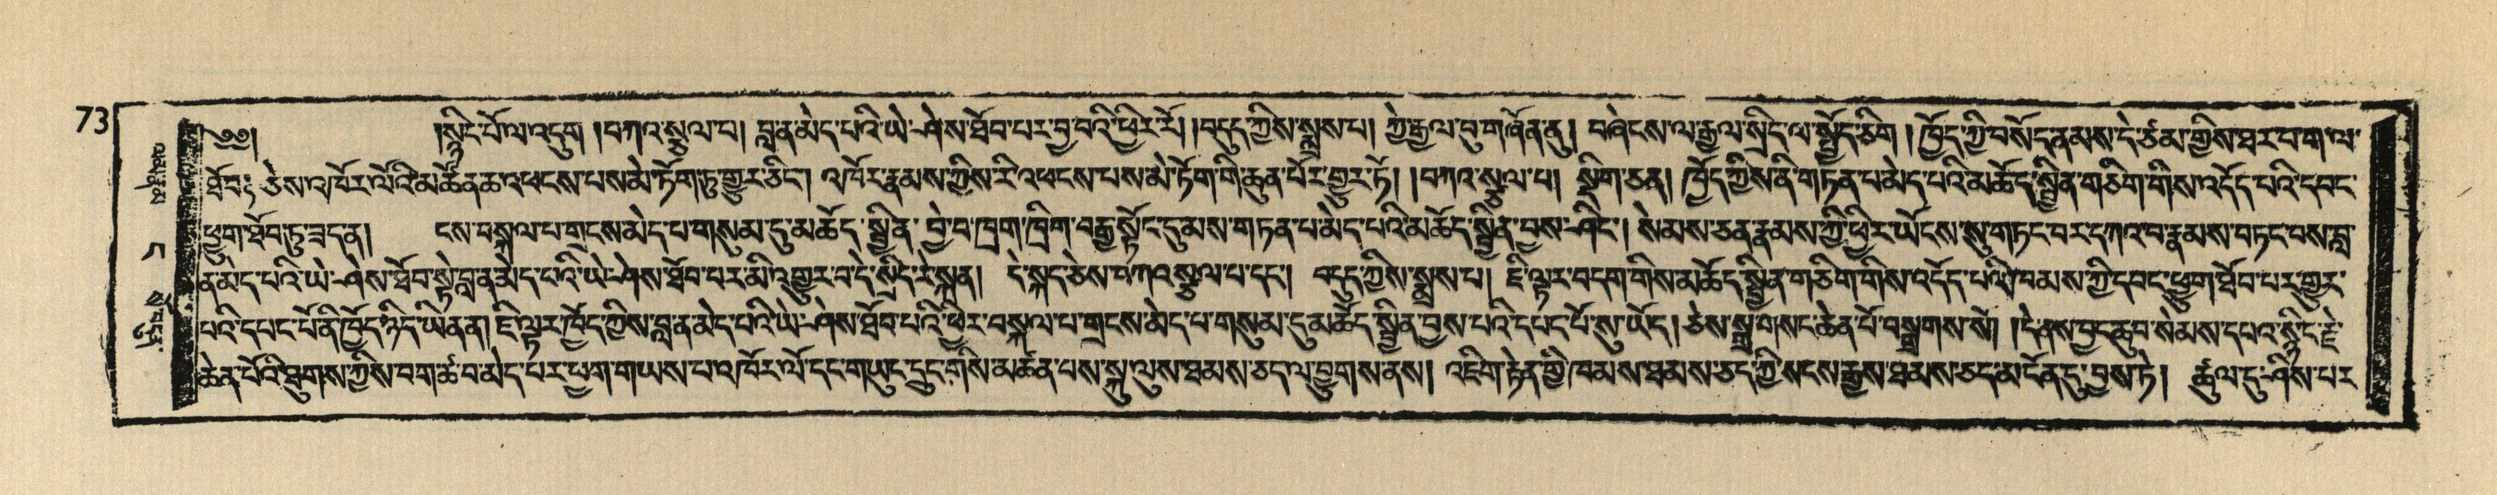༄༅། །སྙིང་པོ་ལ་འདུག །བཀའ་སྩལ་བ། བླ་ན་མེད་པའི་ཡེ་ཤེས་ཐོབ་པར་བྱ་བའི་ཕྱིར་རོ། །བདུད་ཀྱིས་སྨྲས་པ། ཀྱེ་རྒྱལ་བུ་གཞོན་ནུ། བཞེངས་ལ་རྒྱལ་སྲིད་ལ་སྤྱོད་ཅིག །ཁྱོད་ཀྱི་བསོད་ནམས་དེ་ཙམ་གྱིས་ཐར་པ་ག་ལ་
ཐོབ༑ ཅེས་འཁོར་ལོའི་མཚོན་ཆ་འཕངས་པས་མེ་ཏོག་ཏུ་གྱུར་ཅིང་། འཁོར་རྣམས་ཀྱིས་རི་འཕངས་པས་མེ་ཏོག་གི་ཆུན་པོར་གྱུར་ཏོ། །བཀའ་སྩལ་པ། སྡིག་ཅན། ཁྱོད་ཀྱིས་ནི་གཏན་པ་མེད་པའི་མཆོད་སྦྱིན་གཅིག་གིས་འདོད་པའི་དབང་
ཕྱུག་ཐོབ་ཏུ་ཟད་ན། ངས་བསྐལ་པ་གྲངས་མེད་པ་གསུམ་དུ་མཆོད་སྦྱིན་བྱེ་བ་ཁྲག་ཁྲིག་བརྒྱ་སྟོང་དུ་མས་གཏན་པ་མེད་པའི་མཆོད་སྦྱིན་བྱས་ཤིང་། སེམས་ཅན་རྣམས་ཀྱི་ཕྱིར་ཡོངས་སུ་གཏང་བར་དཀའ་བ་རྣམས་བཏང་བས་བླ་
ན་མེད་པའི་ཡེ་ཤེས་ཐོབ་སྟེ་བླ་ན་མེད་པའི་ཡེ་ཤེས་ཐོབ་པར་མི་འགྱུར་བ་དེ་སྲིད་རེ་སྐན། དེ་སྐད་ཅེས་བཀའ་སྩལ་པ་དང་། བདུད་ཀྱིས་སྨྲས་པ། ཇི་ལྟར་བདག་གིས་མཆོད་སྦྱིན་གཅིག་གིས་འདོད་པའི་ཁམས་ཀྱི་དབང་ཕྱུག་ཐོབ་པར་གྱུར་
པའི་དབང་པོ་ནི་ཁྱོད་ཉིད་ཡིན་ན། ཇི་ལྟར་ཁྱོད་ཀྱིས་བླ་ན་མེད་པའི་ཡེ་ཤེས་ཐོབ་པའི་ཕྱིར་བསྐལ་པ་གྲངས་མེད་པ་གསུམ་དུ་མཆོད་སྦྱིན་བྱས་པའི་དཔང་པོ་སུ་ཡོད། ཅེས་སྒྲ་གསང་ཆེན་པོ་བསྒྲགས་སོ། །དེ་ནས་བྱང་ཆུབ་སེམས་དཔའ་སྙིང་རྗེ་
ཆེན་པོའི་ཐུགས་ཀྱིས་བག་ཚ་བ་མེད་པར་ཕྱག་གཡས་པ་འཁོར་ལོ་དང་གཡུང་དྲུང་གིས་མཚན་པས་སྐུ་ལུས་ཐམས་ཅད་ལ་བྱུགས་ནས། འཇིག་རྟེན་གྱི་ཁམས་ཐམས་ཅད་ཀྱི་སངས་རྒྱས་ཐམས་ཅད་མངོན་དུ་བྱས་ཏེ། ཚུལ་དུ་ཤིས་པར་